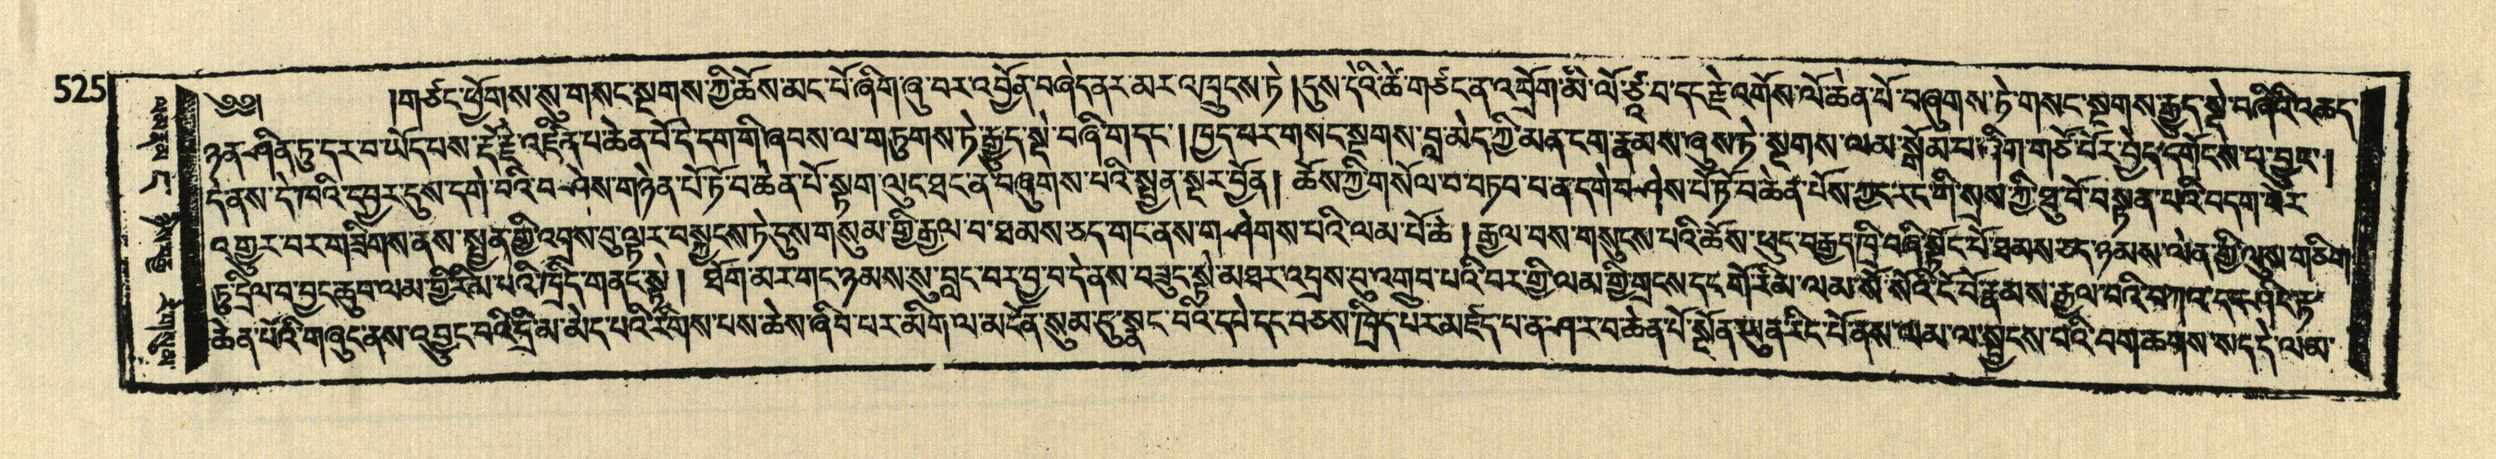༄༅། །གཙང་ཕྱོགས་སུ་གསང་སྔགས་ཀྱི་ཆོས་མང་པོ་ཞིག་ཞུ་བར་འབྱོན་བཞེད་ནར་མར་འཁྲུངས་ཏེ། དུས་དེའི་ཚེ་གཙང་ན་འབྲོག་མི་ལོ་ཙཱ་བ་དང་རྗེ་འགོས་ལོ་ཆེན་པོ་བཞུགས་ཏེ་གསང་སྔགས་རྒྱུད་སྡེ་བཞིའི་འཆད་
ཉན་ཤིན་ཏུ་དར་བ་ཡོད་པས་རྡོ་རྗེ་འཛིན་པ་ཆེན་པོ་དེ་དག་གི་ཞབས་ལ་གཏུགས་ཏེ་རྒྱུད་སྡེ་བཞིག་དང་། ཁྱད་པར་གསང་སྔགས་བླ་མེད་ཀྱི་མན་ངག་རྣམས་ཞུས་ཏེ་སྔགས་ལམ་སྒོམ་པ་ཞིག་གཙོ་བོར་བྱེད་དགོངས་པ་བྱུང་།
དེ་ནས་དེ་ཁའི་དབྱར་དུས་དགེ་བའི་བཤེས་གཉེན་པོ་ཏོ་བ་ཆེན་པོ་སྟག་ལུང་ཐང་ན་བཞུགས་པའི་སྤྱན་སྔར་བྱོན། ཆོས་ཀྱི་གསོལ་བ་བཏབ་པ་ན་དགེ་བཤེས་པོ་ཏོ་བ་ཆེན་པོས་ཀྱང་རང་གི་སྲས་ཀྱི་ཐུ་བོ་བསྟན་པའི་བདག་བར་
འགྱུར་བར་གཟིགས་ནས་སྤྱན་གྱི་འབྲས་བུ་ལྟར་བསྐྱངས་ཏེ་དུས་གསུམ་གྱི་རྒྱལ་བ་ཐམས་ཅད་གང་ནས་གཤེགས་པའི་ལམ་པོ་ཆེ། རྒྱལ་བས་གསུངས་པའི་ཆོས་ཕུང་བརྒྱད་ཁྲི་བཞི་སྟོང་པོ་ཐམས་ཅད་ཉམས་ལེན་གྱི་ལུས་གཅིག་
ཏུ་དྲིལ་བ་བྱང་ཆུབ་ལམ་གྱི་རིམ་པའི་ཁྲིད་གནང་སྟེ། ཐོག་མར་གང་ཉམས་སུ་བླང་བར་བྱ་བ་དེ་ནས་བཟུང་སྟེ་མཐར་འབྲས་བུ་འགྲུབ་པའི་བར་གྱི་ལམ་གྱི་གྲངས་དང་གོ་རིམ་ལམ་སོ་སོའི་ངོ་བོ་རྣམས་རྒྱལ་བའི་བཀའ་དང་ཤིང་རྟ་
ཆེན་པོའི་གཞུང་ནས་འབྱུང་བའི་དྲི་མ་མེད་པའི་རིགས་པས་ཆེས་ཞིབ་པར་མིག་ལ་མངོན་སུམ་དུ་སྣང་བའི་དཔེ་དང་བཅས་ཁྲིད་པར་མཛད་པ་ན་ཤ་ར་བ་ཆེན་པོ་སྔོན་ཡུན་རིང་པོ་ནས་ལམ་ལ་སྦྱངས་པའི་བག་ཆགས་སད་དེ་ལམ་